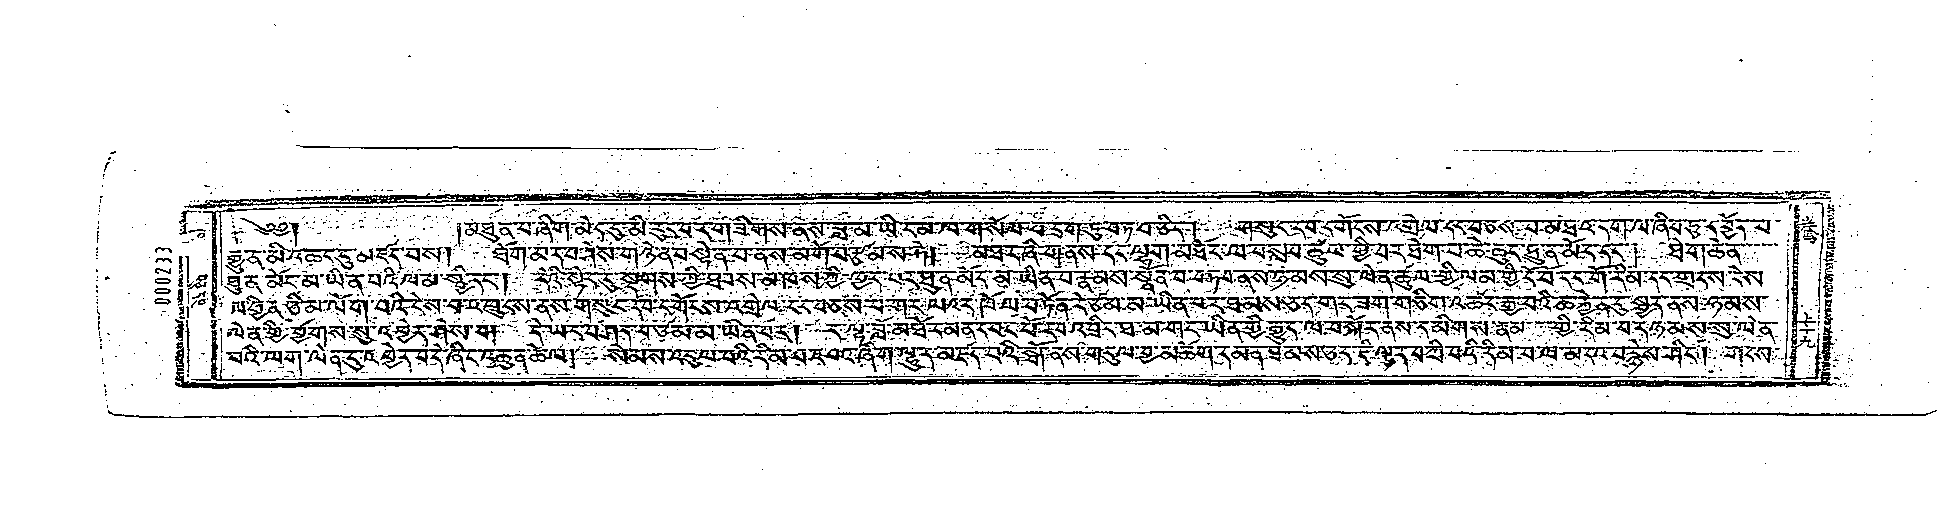༄༅། །མཐུན་པ་ཞིག་མེད་དུ་མི་རུང་བར་གཟིགས་ནས་བླ་མ་ཡི་དམ་ལ་གསོལ་བ་དྲག་ཏུ་བཏབ་ཅིང་། གསུང་རབ་དགོངས་འགྲེལ་དང་བཅས་བ་མཐའ་དག་ལ་ཞིབ་ཏུ་དབྱོར་པ་
རྒྱུ་ན་མི་འཆང་དུ་མཛད་པས། ཐོག་མར་བཤེས་གཉེ་ན་བསྟེན་པ་ནས་མགོ་བརྩམས་ཏེ། མཐར་ཞི་གནས་དང་ལྷག་མཐོང་ལ་བསླབ་ཚུལ་གྱི་བར་ཐེག་པ་ཆེ་ཆུང་ཐུ་ན་མོང་དང་། ཐེག་ཆེན་
ཐུན་མོང་མ་ཡིན་པའི་ལམ་སྤྱི་དང་། དེའི་སྟེང་དུ་སྔགས་ཀྱི་ཐབས་མཁས་ཀྱི་ཁྱད་པར་ཐུན་མོང་མ་ཡིན་བ་རྣམས་སྣོན་བ་བཏབ་ནས་ཉམས་སུ་ལེན་ཚུལ་གྱི་ལམ་གྱི་ངོ་བོ་དང་གོ་རིམ་དང་གྲངས་ངེས་
ལ་ཕྱིན་ཅིམ་ལོག་བའི་ངེས་བ་འཁྲུངས་ནས་གསུང་རབ་དགོངས་འགྲེལ་དང་བཅས་པ་གང་ལའང་ཁོལ་བཏོན་རེ་ཙམ་མ་ཡིན་པར་ཐམས་ཅད་གང་ཟག་གཅིག་འཚང་རྒྱ་བའི་ཆ་རྐྱེན་དུ་སྦྱར་ནས་ཉམས་
ལེན་གྱི་ཕྱོགས་སུ་འཁྱེར་ཤེས་བ། དེ་ཡང་བཤད་བ་ཙམ་མ་ཡིན་པར། ད་ལྟ་བློ་མཐོང་མན་དབང་པོ་རབ་འབྲིང་ཐ་མ་གང་ཡིན་གྱི་རྒྱུད་ལ་བསྐོར་ནས་དམིགས་རྣམ་གྱི་རིམ་པར་ཉམས་སུ་ལེན་
པའི་ལག་ལེན་དུ་འཁྱེར་བདེ་ཞིང་འཆུན་ཆེ་ལ། སེམས་འདུལ་བའི་རིམ་བ་འབའ་ཞིག་ལྷུར་མཛད་པའི་སྒོ་ནས་གདུལ་བྱ་མཆོག་དམན་ཐམས་ཅད་ཇི་ལྟར་བཀྲི་བའི་རིམ་པ་ལ་མདའ་བརྙེས་ཤིང་། གངས་